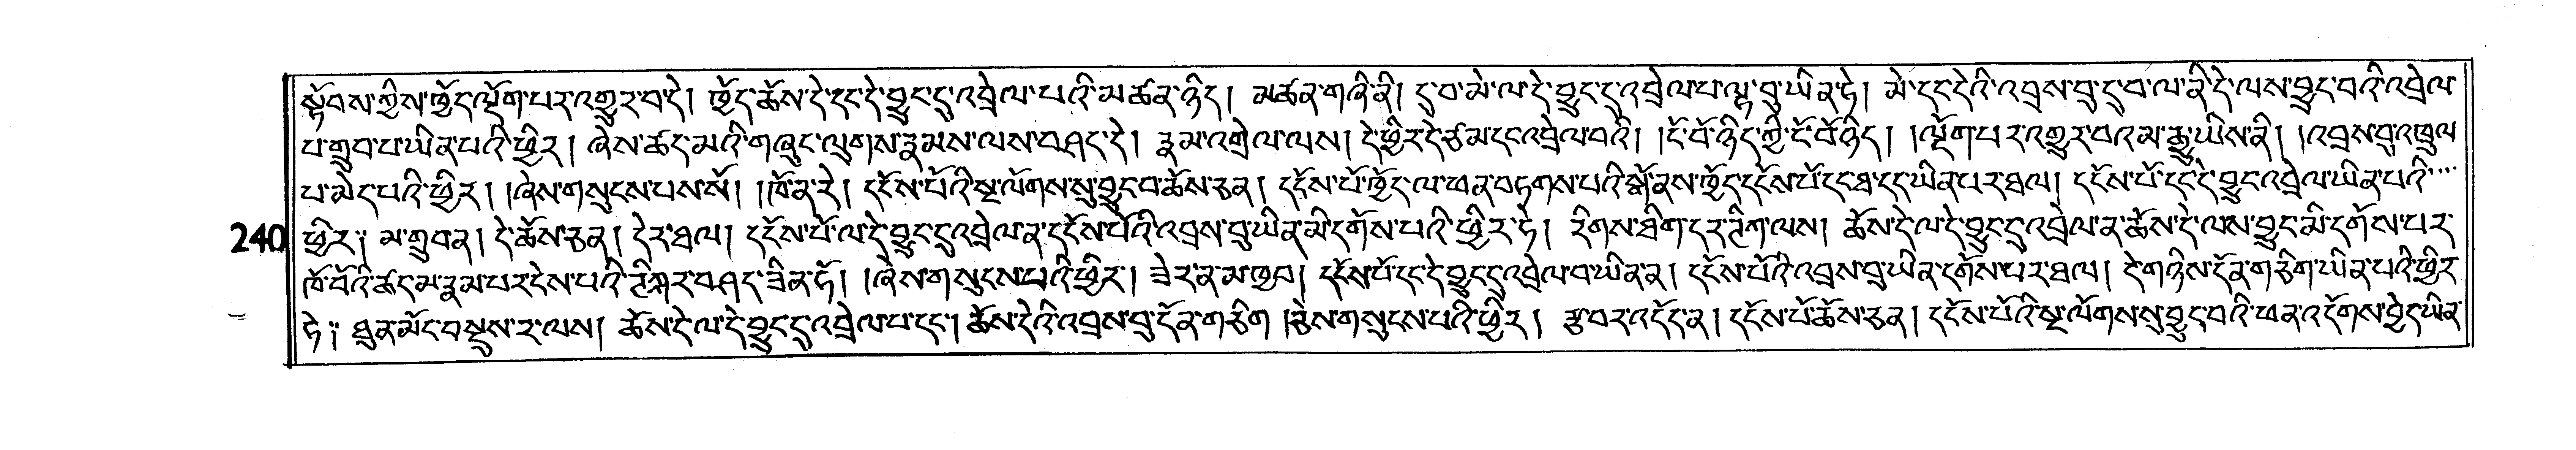སྟོབས་ཀྱིས་ཁྱོད་ལྡོག་པར་འགྱུར་བ་དེ། ཁྱོད་ཆོས་དེ་དང་དེ་བྱུང་དུ་འབྲེལ་པའི་མཚན་ཉིད། མཚན་གཞི་ནི། དུ་བ་མེ་ལ་དེ་བྱུང་དུ་འབྲེལ་པ་ལྟ་བུ་ཡིན་ཏེ། མེ་དང་དེའི་འབྲས་བུ་དུ་བ་ལ་ནི་དེ་ལས་བྱུང་བའི་འབྲེལ་
པ་གྲུབ་པ་ཡིན་པའི་ཕྱིར། ཞེས་ཚད་མའི་གཞུང་ལུགས་རྣམས་ལས་བཤད་དེ། རྣམ་འགྲེལ་ལས། དེ་ཕྱིར་དེ་ཙམ་དང་འབྲེལ་བའི། །ངོ་བོ་ཉིད་ཀྱི་ངོ་བོ་ཉིད། །ལྡོག་པར་འགྱུར་བའམ་རྒྱུ་ཡིས་ནི། །འབྲས་བུ་འཁྲུལ་
པ་མེད་པའི་ཕྱིར། །ཞེས་གསུངས་པས་སོ། །ཁོ་ན་རེ། དངོས་པོའི་སྔ་ལོགས་སུ་བྱུང་བ་ཆོས་ཅན། དངོས་པོ་ཁྱོད་ལ་ཕན་བཏགས་པའི་སྒོ་ནས་ཁྱོད་དངོས་པོ་དང་ཐ་དད་ཡིན་པར་ཐལ། དངོས་པོ་དང་དེ་བྱུང་འབྲེལ་ཡིན་པའི་
ཕྱིར༑ མ་གྲུབ་ན། དེ་ཆོས་ཅན། དེར་ཐལ། དངོས་པོ་ལ་དེ་བྱུང་དུ་འབྲེལ་ན་དངོས་པོའི་འབྲས་བུ་ཡིན་མི་དགོས་པའི་ཕྱིར་ཏེ། རིགས་ཐིག་དར་ཊིཀ་ལས། ཆོས་དེ་ལ་དེ་བྱུང་དུ་འབྲེལ་ན་ཆོས་དེ་ལས་བྱུང་མི་དགོས་པར་
ཁོ་བོའི་ཚད་མ་རྣམ་པར་ངེས་པའི་ཊིཀྐར་བཤད་ཟིན་ཏོ། །ཞེས་གསུངས་པའི་ཕྱིར། ཟེར་ན་མ་ཁྱབ། དངོས་པོ་དང་དེ་བྱུང་དུ་འབྲེལ་བ་ཡིན་ན། དངོས་པོའི་འབྲས་བུ་ཡིན་དགོས་པར་ཐལ། དེ་གཉིས་དོན་གཅིག་ཡིན་པའི་ཕྱིར་
ཏེ༑ ཐུན་མོང་བསྡུས་ར་ལས། ཆོས་དེ་ལ་དེ་བྱུང་དུ་འབྲེལ་པ་དང་། ཆོས་དེའི་འབྲས་བུ་དོན་གཅིག །ཅེས་གསུངས་པའི་ཕྱིར། རྩ་བར་འདོད་ན། དངོས་པོ་ཆོས་ཅན། དངོས་པོའི་སྔ་ལོགས་སུ་བྱུང་བའི་ཕན་འདོགས་བྱེད་ཡིན་